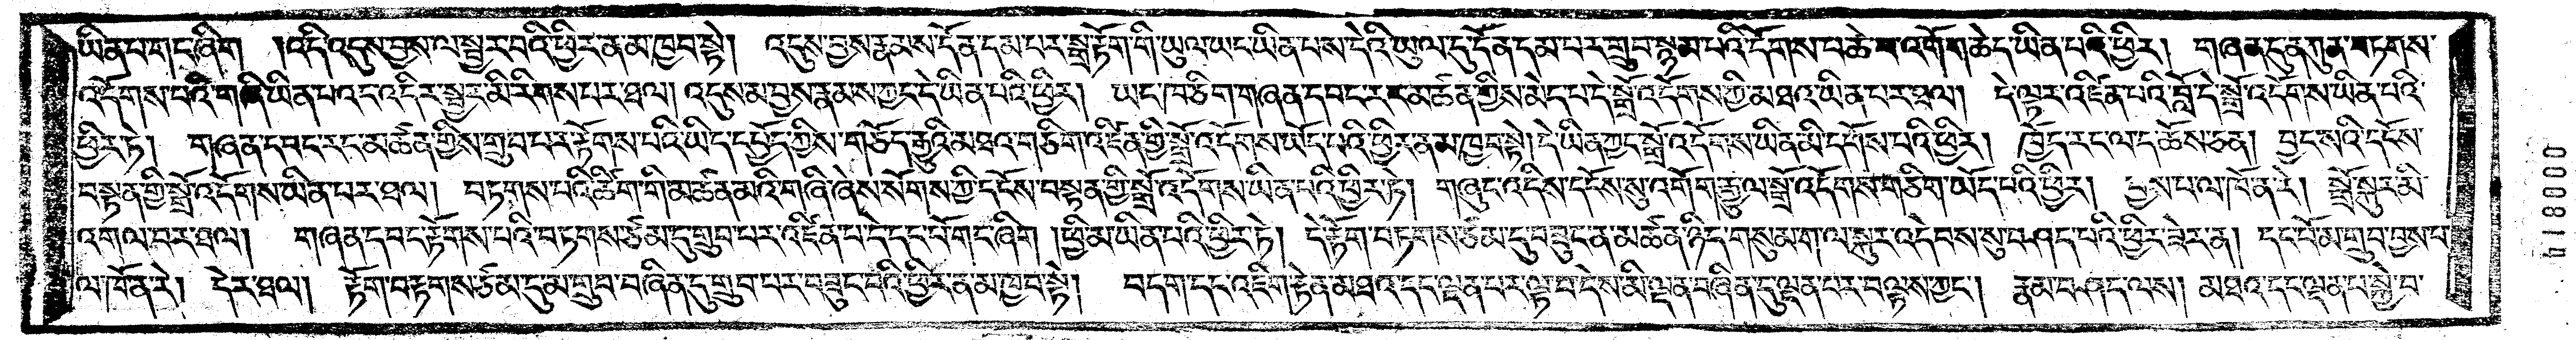ཡིན་པ་གང་ཞིག །འདི་འདུས་བྱས་ལ་སྦྱར་བའི་ཕྱིར་ན་མ་ཁྱབ་སྟེ། འདུས་བྱས་རྣམས་དོན་དམ་པར་སྒྲ་རྟོག་གི་ཡུལ་ཡང་ཡིན་པས་དེའི་ཡུལ་དུ་དོན་དམ་པར་གྲུབ་སྙམ་པའི་དོགས་པ་ཆེ་བ་འགོག་ཆེད་ཡིན་པའི་ཕྱིར། གཞན་དུ་ན་ཀུན་བཏགས་
འདོགས་པའི་གཞི་ཡིན་པའང་འདིར་སྦྱར་མི་རིགས་པར་ཐལ། འདུས་མ་བྱས་རྣམས་ཀྱང་དེ་ཡིན་པའི་ཕྱིར། ཡང་ཁ་ཅིག་གཞན་དབང་རང་མཚན་གྱིས་མེད་པ་དེ་སྒྲོ་འདོགས་ཀྱི་མཐའ་ཡིན་པར་ཐལ། དེ་ལྟར་འཛིན་པའི་བློ་དེ་སྒྲོ་འདོགས་ཡིན་པའི་
ཕྱིར་ཏེ། གཞན་དབང་རང་མཚན་གྱིས་གྲུབ་པར་རྟོགས་པའི་ཡིད་དཔྱོད་ཀྱིས་གཅོད་རྒྱུའི་མཐའ་གཅིག་འཛིན་གྱི་སྒྲོ་འདོགས་ཡོད་པའི་ཕྱིར་ན་མ་ཁྱབ་སྟེ། དེ་ཡིན་ཀྱང་སྒྲོ་འདོགས་ཡིན་མི་དགོས་པའི་ཕྱིར། ཁྱོད་རང་ལ་དེ་ཆོས་ཅན། བྱང་སའི་དངོས་
བསྟན་གྱི་སྒྲོ་འདོགས་ཡིན་པར་ཐལ། བཏགས་པའི་ཚིག་གི་མཚན་མའི་གཞི་ཞེས་སོགས་ཀྱི་དངོས་བསྟན་གྱི་སྒྲོ་འདོགས་ཡིན་པའི་ཕྱིར་ཏེ། གཞུང་འདིས་དངོས་སུ་འགོག་རྒྱུ་ལ་སྒྲོ་འདོགས་གཅིག་ཡོད་པའི་ཕྱིར། བྱས་པ་ལ་ཁོ་ན་རེ། སྒྲོ་སྐུར་མི་
འགལ་བར་ཐལ། གཞན་དབང་རྟོགས་པའི་བཏགས་ཙམ་དུ་གྲུབ་པར་འཛིན་པ་དེ་དང་པོ་གང་ཞིག །ཕྱི་མ་ཡིན་པའི་ཕྱིར་ཏེ། དེ་རྟོག་བཏགས་ཙམ་དུ་བཟུང་ན་མཚན་ཉིད་གསུམ་ག་ལ་སྐུར་འདེབས་སུ་བཤད་པའི་ཕྱིར་ཟེར་ན། དང་པོ་མ་གྲུབ་བྱས་པ་
ལ་ཁོ་ན་རེ། དེར་ཐལ། རྟོག་བཏགས་ཙམ་དུ་མ་གྲུབ་བཞིན་དུ་གྲུབ་པར་བཟུང་བའི་ཕྱིར་ན་མ་ཁྱབ་སྟེ། བདག་དང་འཇིག་རྟེན་མཐའ་དང་ལྡན་པར་ལྟ་བ་དེས་མི་ལྡན་བཞིན་དུ་ལྡན་པར་བལྟས་ཀྱང་། རྣམ་བཤད་ལས། མཐའ་དང་ལྡན་པ་སྐྱེ་བ་